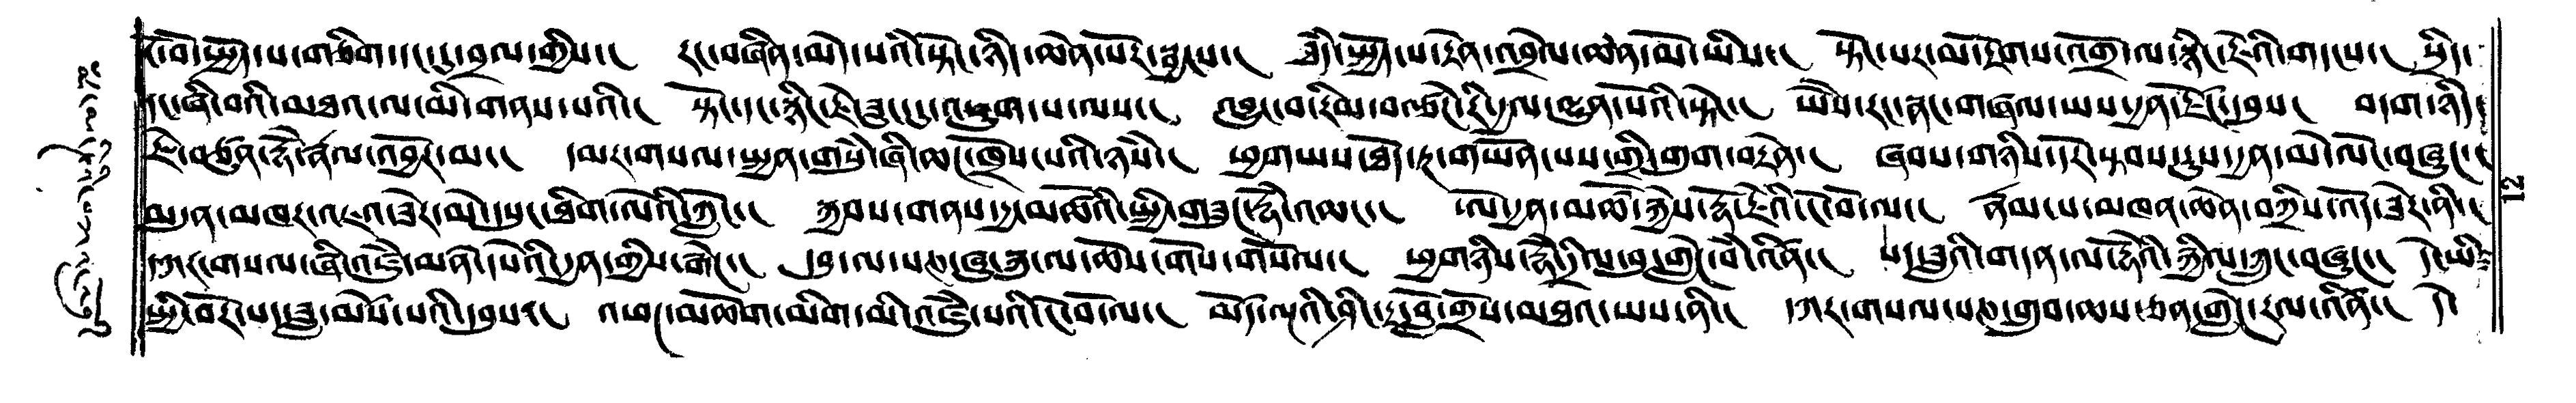ངོ་བོར་དཔྱོད་པ་གཅིག་དང་དུ་བྲལ་གྱིས། །རང་བཞིན་མེད་པའི་སྟོང་ཉིད་ཆེན་པོར་སྦྱངས། །ཐམས་ཅད་དཔྱོད་པ་རྟེན་འབྲེལ་ཆེན་མོ་ཡིས། །སྟོང་པར་མ་རྟོགས་འགྲོ་ལ་སྙིང་རྗེའི་གདངས། །སྲིད་
དང་ཞི་བའི་མཐའ་ལ་མི་གནས་པའི། །སྟོང་དང་སྙིང་རྗེ་ཟུང་དུ་འཇུག་པ་ལས། །འབྱུང་བ་རིམ་བརྩེགས་རི་རྒྱལ་ལྷུན་པོའི་སྟེང་། །ཡེ་ཤེས་རང་སྣང་གཞལ་ཡས་རྒྱན་རྫོགས་དབུས། །བདག་ཉིད་
རྗེ་བཙུན་རྡོ་རྗེ་རྣལ་འབྱོར་མ། །དམར་གསལ་སྤྱན་གསུམ་ཞི་ཆགས་ཁྲོས་པའི་ཉམས། །ཕྱག་གཡས་ཐོད་རྔ་གཡོན་པས་གྲི་གུག་བརྟེན། །ཞབས་གཉིས་དོར་སྟབས་རུས་རྒྱན་མེ་ལོང་མཚན། །
མདུན་མཁར་འཇའ་ཟེར་མེ་དཔུང་ཐིག་ལེའི་ཀློང་། །སྐྱབས་གནས་རྒྱ་མཚོའི་སྤྱི་གཟུགས་རྡོ་རྗེ་འཆང་། །ཨོ་རྒྱན་མཚོ་སྐྱེས་རྡོ་རྗེའི་ངོ་བོ་ལ། །རྣམ་པ་མཁན་ཆེན་བཀྲ་ཤིས་འོད་ཟེར་ནི། །
དཀར་གསལ་ཞི་འཛུམ་མཚན་དཔེའི་རྒྱན་གྱིས་སྒེག །དབུ་ལ་པཎ་ཞུ་སྐུ་ལ་ཆོས་གོས་གསོལ། །ཕྱག་གཉིས་རྡོ་རྗེ་དྲིལ་བུ་གླེགས་བམ་འཛིན། །པད་ཟླའི་གདན་ལ་རྡོ་རྗེའི་སྐྱིལ་ཀྲུང་བཞུགས། །དེ་ཡི་
སྤྱི་བོར་པད་ཟླ་མཛེས་པའི་དབུས། །འཕགས་མཆོག་མིག་མི་འཛུམ་པའི་ངོ་བོ་ལ། །མཛོད་ལྔའི་ཤིང་རྟ་བློ་གྲོས་མཐའ་ཡས་ནི། །དཀར་གསལ་པཎ་གྲུབ་ཆས་ཅན་གླེགས་རལ་འཛིན། །དེ་